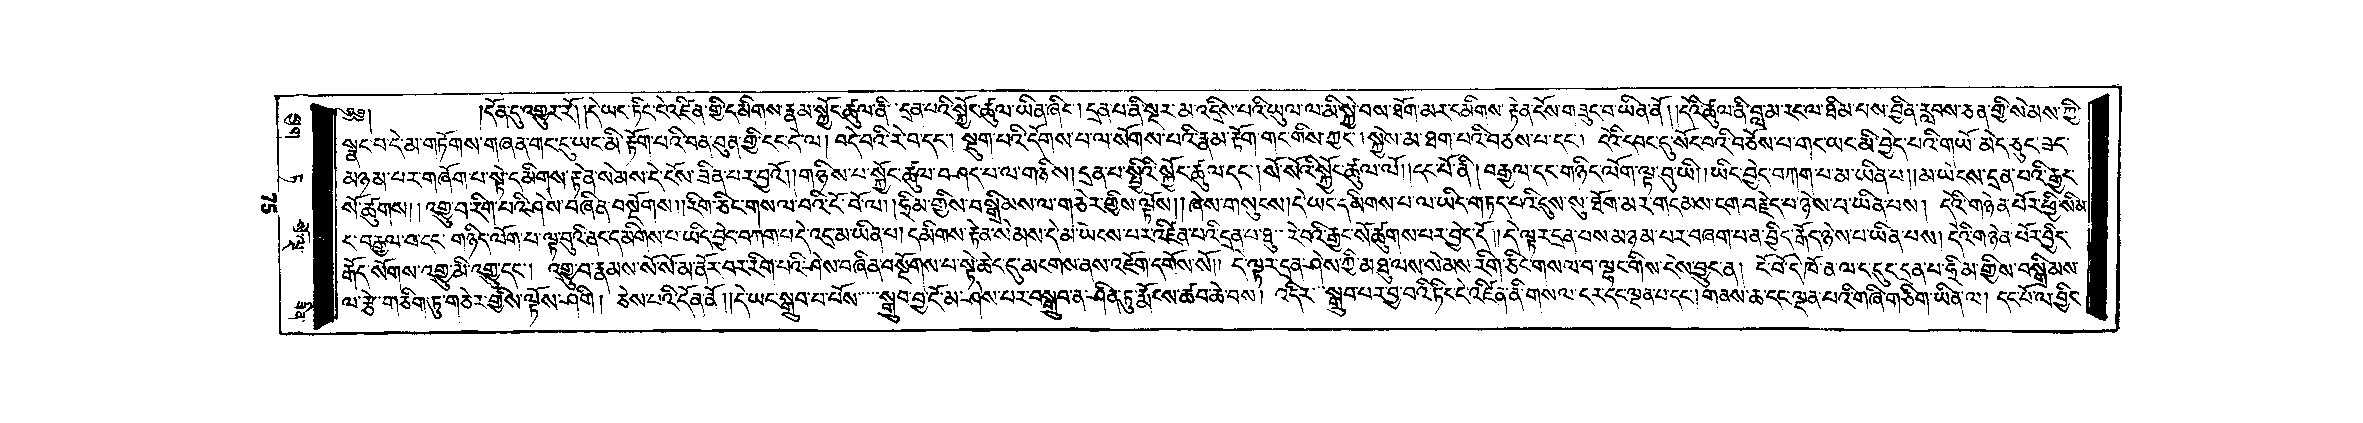༄༅། །དོན་དུ་འགྱུར་རོ། །དེ་ཡང་ཏིང་ངེ་འཛིན་གྱི་དམིགས་རྣམ་སྐྱོང་ཚུལ་ནི་དྲན་པའི་སྐྱོང་ཚུལ་ཡིན་ཞིང་། དྲན་པ་ནི་སྔར་མ་འདྲིས་པའི་ཡུལ་ལ་མི་སྐྱེ་བས་ཐོག་མར་དམིགས་རྟེན་ངོས་གཟུང་བ་ཡིན་ནོ། །དེའི་ཚུལ་ནི་བླ་མ་རང་ལ་ཐིམ་པས་བྱིན་རླབས་ཅན་གྱི་སེམས་ཀྱི་
སྣང་བ་དེ་མ་གཏོགས་གཞན་གང་དུ་ཡང་མི་རྟོག་པའི་བན་བུན་གྱི་ངང་དེ་ལ། བདེ་བའི་རེ་བ་དང་། སྡུག་པའི་དོགས་པ་ལ་སོགས་པའི་རྣམ་རྟོག་གང་གིས་ཀྱང་། སྐྱེས་མ་ཐག་པའི་བཅས་པ་དང་། དེའི་དབང་དུ་སོང་བའི་བཅོས་པ་གང་ཡང་མི་བྱེད་པའི་གཡོ་མེད་ཅུང་ཟད་
མཉམ་པར་གཞོག་པ་སྟེ་དམིགས་རྟེན་སེམས་དེ་ངོས་ཟིན་པར་བྱའོ། །གཉིས་པ་སྐྱོང་ཚུལ་བཤད་པ་ལ་གཉིས། དྲན་པ་སྤྱིའི་སྐྱོང་ཚུལ་དང་། སོ་སོའི་སྐྱོང་ཚུལ་ལོ། །དང་པོ་ནི། བརྒྱལ་དང་གཉིད་ལོག་ལྟ་བུ་ཡི། །ཡིད་བྱེད་བཀག་པ་མ་ཡིན་པ། །མ་ཡེངས་དྲན་པའི་རྒྱང་
སོ་ཚུགས། །འགྱུ་བ་རིག་པའི་ཤེས་བཞིན་བསྡོགས། །རིག་ཅིང་གསལ་བའི་ངོ་བོ་ལ། །ཧྲིམ་གྱིས་བསྒྲིམས་ལ་གཅེར་གྱིས་ལྟོས། །ཞེས་གསུངས། དེ་ཡང་དམིགས་པ་ལ་ཡིད་གཏད་པའི་དུས་སུ་ཐོག་མར་གདམས་ངག་བརྗེད་པ་ཉེས་པ་ཡིན་པས། དེའི་གཉེན་པོར་ཕྱི་སིམ་
ང་བརྒྱལ་བ་དང་གཉིད་ལོག་པ་ལྟ་བུའི་ནང་དམིགས་པ་ཡིད་བྱེད་བཀག་པ་དེ་འདྲ་མ་ཡིན་པ། དམིགས་རྟེན་སེམས་དེ་མ་ཡེངས་པར་འཛིན་པའི་དྲན་པ་ཐུ་རེ་བའི་རྒྱང་སོ་ཚུགས་པར་བྱེད་དོ། །དེ་ལྟར་དྲན་པས་མཉམ་པར་བཞག་པ་ན་བྱིད་རྒོད་ཉེས་པ་ཡིན་པས། དེའི་གཉེན་པོར་བྱིང་
རྒོད་སོགས་འགྱུ་མི་འགྱུ་དང་། འགྱུ་བ་རྣམས་སོ་སོ་མ་ནོར་བར་རིག་པའི་ཤེས་བཞིན་བསྔོགས་པ་སྟེ་ཆེད་དུ་མངགས་ནས་འཇོག་དགོས་སོ། །དེ་ལྟར་དྲན་ཤེས་ཀྱི་མཐུ་ལས་སེམས་རིག་ཅིང་གསལ་བ་ལྷང་གིས་ངེས་བྱུང་ན། ངོ་བོ་དེ་ཁོ་ན་ལ་ད་དུང་དྲན་པ་ཧྲིམ་གྱིས་བསྒྲིམས་
ལ་རྩེ་གཅིག་ཏུ་གཅེར་གྱིས་ལྟོས་ཤིག །ཅེས་པའི་དོན་ནོ། །དེ་ཡང་སྒྲུབ་པ་པོས་སྒྲུབ་བྱ་ངོ་མ་ཤེས་པར་བསྒྲུབ་ན་ཤིན་ཏུ་རྨོངས་ཚབ་ཆེ་བས། འདིར་སྒྲུབ་པར་བྱ་བའི་ཏིང་ངེ་འཛིན་ནི་གསལ་ངར་དང་ལྡན་པ་དང་། གནས་ཆ་དང་ལྡན་པའི་གཞི་གཅིག་ཡིན་ལ། དང་པོ་ལ་བྱིང་